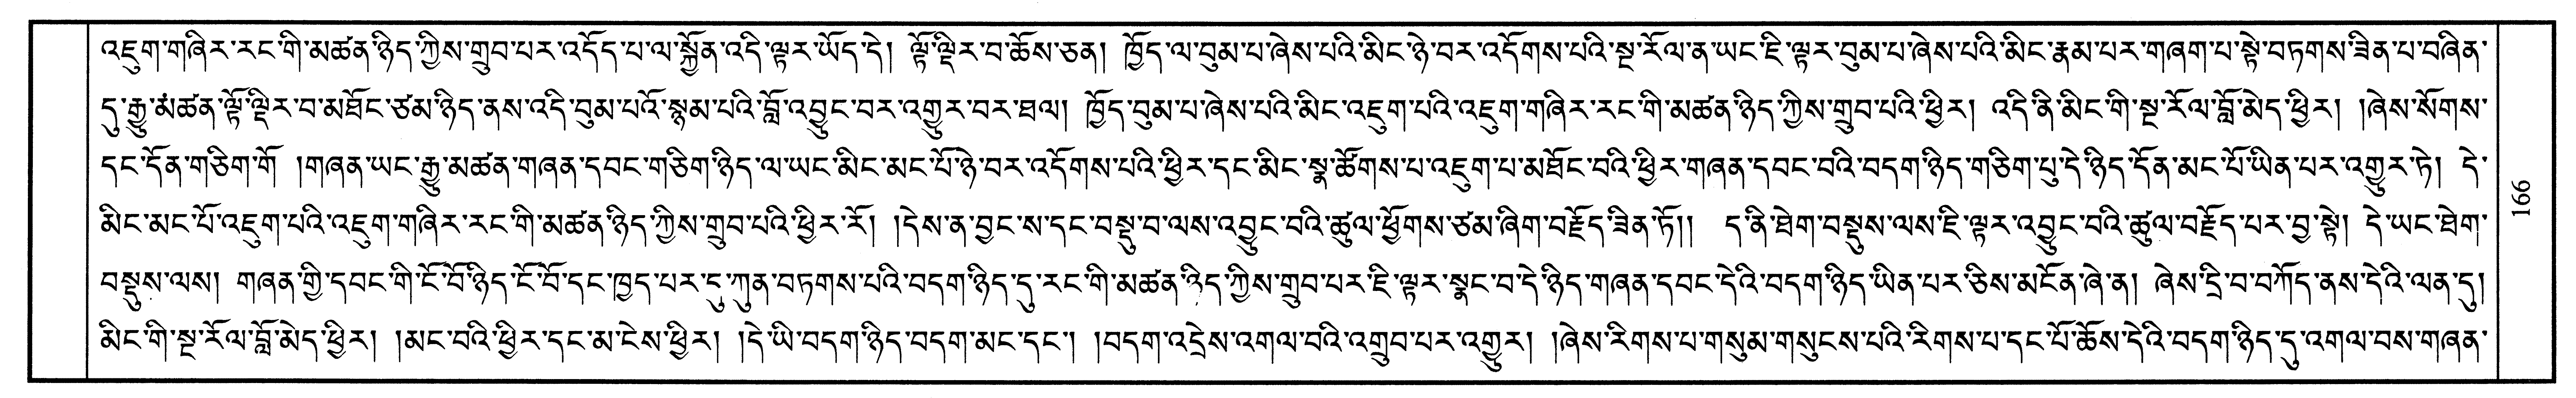འཇུག་གཞིར་རང་གི་མཚན་ཉིད་ཀྱིས་གྲུབ་པར་འདོད་པ་ལ་སྐྱོན་འདི་ལྟར་ཡོད་དེ། ལྟོ་ལྡིར་བ་ཆོས་ཅན། ཁྱོད་ལ་བུམ་པ་ཞེས་པའི་མིང་ཉེ་བར་འདོགས་པའི་སྔ་རོལ་ན་ཡང་ཇི་ལྟར་བུམ་པ་ཞེས་པའི་མིང་རྣམ་པར་གཞག་པ་སྟེ་བཏགས་ཟིན་པ་བཞིན་
དུ་རྒྱུ་མཚན་ལྟོ་ལྡིར་བ་མཐོང་ཙམ་ཉིད་ནས་འདི་བུམ་པའོ་སྙམ་པའི་བློ་འབྱུང་བར་འགྱུར་བར་ཐལ། ཁྱོད་བུམ་པ་ཞེས་པའི་མིང་འཇུག་པའི་འཇུག་གཞིར་རང་གི་མཚན་ཉིད་ཀྱིས་གྲུབ་པའི་ཕྱིར། འདི་ནི་མིང་གི་སྔ་རོལ་བློ་མེད་ཕྱིར། །ཞེས་སོགས་
དང་དོན་གཅིག་གོ །གཞན་ཡང་རྒྱུ་མཚན་གཞན་དབང་གཅིག་ཉིད་ལ་ཡང་མིང་མང་པོ་ཉེ་བར་འདོགས་པའི་ཕྱིར་དང་མིང་སྣ་ཚོགས་པ་འཇུག་པ་མཐོང་བའི་ཕྱིར་གཞན་དབང་བའི་བདག་ཉིད་གཅིག་པུ་དེ་ཉིད་དོན་མང་པོ་ཡིན་པར་འགྱུར་ཏེ། དེ་
མིང་མང་པོ་འཇུག་པའི་འཇུག་གཞིར་རང་གི་མཚན་ཉིད་ཀྱིས་གྲུབ་པའི་ཕྱིར་རོ། །དེས་ན་བྱང་ས་དང་བསྡུ་བ་ལས་འབྱུང་བའི་ཚུལ་ཕྱོགས་ཙམ་ཞིག་བརྗོད་ཟིན་ཏོ།། ད་ནི་ཐེག་བསྡུས་ལས་ཇི་ལྟར་འབྱུང་བའི་ཚུལ་བརྗོད་པར་བྱ་སྟེ། དེ་ཡང་ཐེག་
བསྡུས་ལས། གཞན་གྱི་དབང་གི་ངོ་བོ་ཉིད་ངོ་བོ་དང་ཁྱད་པར་དུ་ཀུན་བཏགས་པའི་བདག་ཉིད་དུ་རང་གི་མཚན་ཉིད་ཀྱིས་གྲུབ་པར་ཇི་ལྟར་སྣང་བ་དེ་ཉིད་གཞན་དབང་དེའི་བདག་ཉིད་ཡིན་པར་ཅིས་མངོན་ཞེ་ན། ཞེས་དྲི་བ་བཀོད་ནས་དེའི་ལན་དུ།
མིང་གི་སྔ་རོལ་བློ་མེད་ཕྱིར། །མང་བའི་ཕྱིར་དང་མ་ངེས་ཕྱིར། །དེ་ཡི་བདག་ཉིད་བདག་མང་དང་། །བདག་འདྲེས་འགལ་བའི་འགྲུབ་པར་འགྱུར། །ཞེས་རིགས་པ་གསུམ་གསུངས་པའི་རིགས་པ་དང་པོ་ཆོས་དེའི་བདག་ཉིད་དུ་འགལ་བས་གཞན་